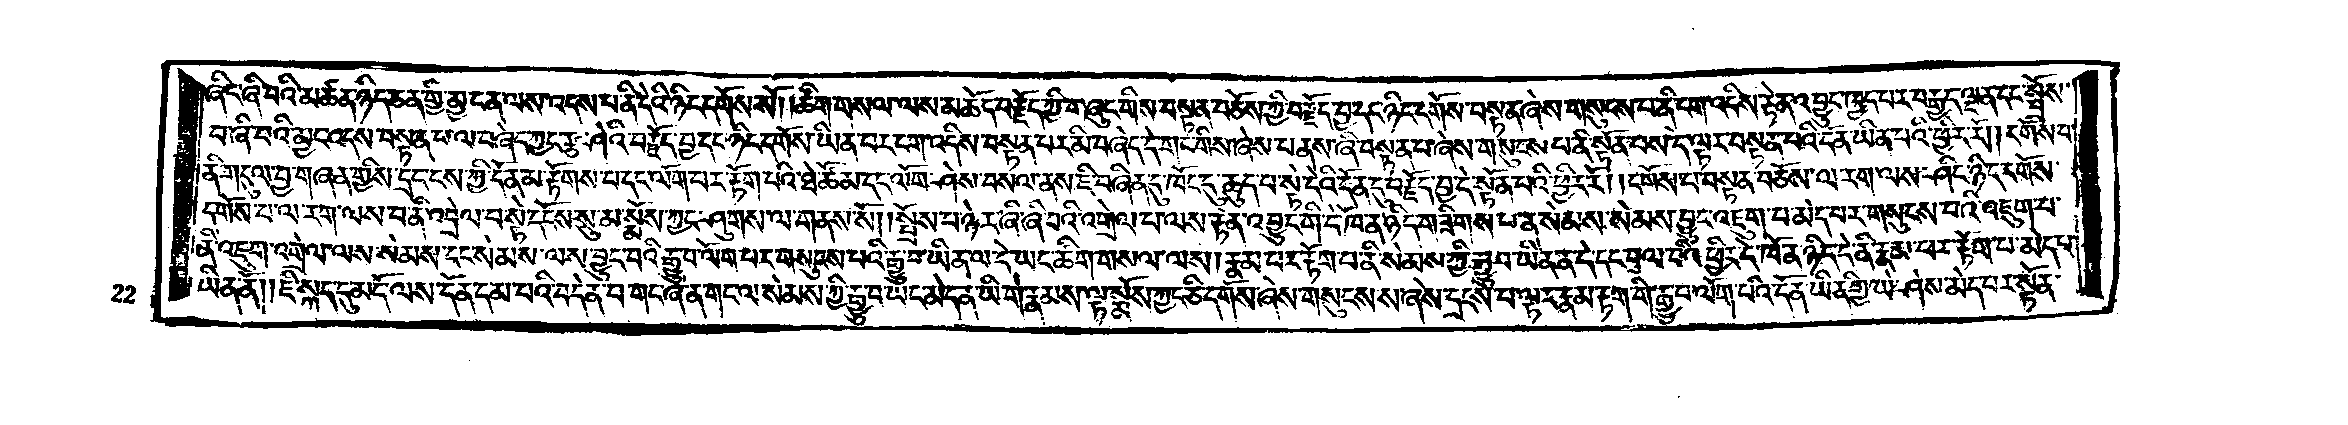ཞིང་ཞི་བའི་མཆན་ཉིད་ཅན་གྱི་མྱ་ངན་ལས་འདས་པ་ནི་དེའི་ཉིང་དགོས་སོ། །ཚིག་གསལ་ལས་མཆོད་བརྗོད་ཀྱི་གཞུང་གིས་བསྟན་བཅོས་ཀྱི་བརྗོད་བྱ་དང་ཉིད་དགོས་བསྟན་ཞེས་གསུངས་པ་ནི་ངག་འདིས་རྟེན་འབྱུང་ཁྱད་པར་བརྒྱད་ལྡང་དང་སྤྲོས་
པ་ཞི་བའི་མྱང་འདས་བསྟན་པ་ལ་བཞེད་ཀྱང་རྩ་ཤེའི་བརྗོད་བྱ་དང་ཉིད་དགོས་ཡིན་པར་ངག་འདིས་བསྟན་པར་མི་བཞེད་དེ་གང་གིས་ཞེས་པ་ནས་ཞི་བསྟན་པ་ཞེས་གསུངས་པ་ནི་སྟོན་པས་དེ་ལྟར་བསྟན་པའི་དོན་ཡིན་པའི་ཕྱིར་རོ། །དགོས་པ་
ནི་གདུལ་བྱ་གཞན་གྱིས་དྲང་ངེས་ཀྱི་དོན་མ་རྟོགས་པ་དང་ལོག་པར་རྟོག་པའི་ཐེ་ཚོམ་དང་ལོག་ཤེས་བསལ་ནས་ཇི་བཞིན་དུ་ཁོང་དུ་ཆུད་པ་སྟེ་དེའི་དོན་དུ་བརྗོད་བྱ་དེ་སྟོན་པའི་ཕྱིར་རོ། །དགོས་པ་བསྟན་བཅོས་ལ་རག་ལས་ཤིང་ཉིད་དགོས་
དགོས་པ་ལ་རག་ལས་པ་ནི་འབྲེལ་པ་སྟེ་དངོས་སུ་མ་སྨོས་ཀྱང་ཤུགས་ལ་གནས་སོ། །སྤྲོས་པ་ཉེར་ཞི་ཞི་བའི་འགྲེལ་པ་ལས་རྟེན་འབྱུང་གི་དེ་ཁོ་ན་ཉིད་གཟིགས་པ་ན་སེམས་སེམས་བྱུང་འཇུག་པ་མེད་པར་གསུངས་པའི་འཇུག་པ་
ནི་འཇུག་འགྲེལ་ལས་སེམས་དང་སེམས་ལས་བྱུང་བའི་རྒྱུ་བ་ལོག་པར་གསུངས་པའི་རྒྱུ་བ་ཡིན་ལ་དེ་ཡང་ཚིག་གསལ་ལས། རྣམ་པར་རྟོག་པ་ཅི་སེམས་ཀྱི་རྒྱུ་བ་ཡིན་ན་དེ་དང་བྲལ་བའི་ཕྱིར་དེ་ཁོ་ན་ཉིད་དེ་ནི་རྣམ་པར་རྟོག་པ་མེད་པ་
ཡིན་ནོ། །ཇི་སྐད་དུ་མདོ་ལས་དོན་དམ་པའི་བདེན་པ་གང་ཞེ་ན་གང་ལ་སེམས་ཀྱི་རྒྱུ་བ་ཡང་མེད་ན་ཡི་གེ་རྣམས་ལྟ་སྨོས་ཀྱང་ཅི་དགོས་ཞེས་གསུངས་སོ་ཞེས་དྲངས་པ་ལྟར་ནམ་རྟོག་གི་རྒྱུད་བ་ལོག་པའི་དོན་ཡིན་གྱི་ཡེ་ཤེས་མེད་པར་སྟོ་